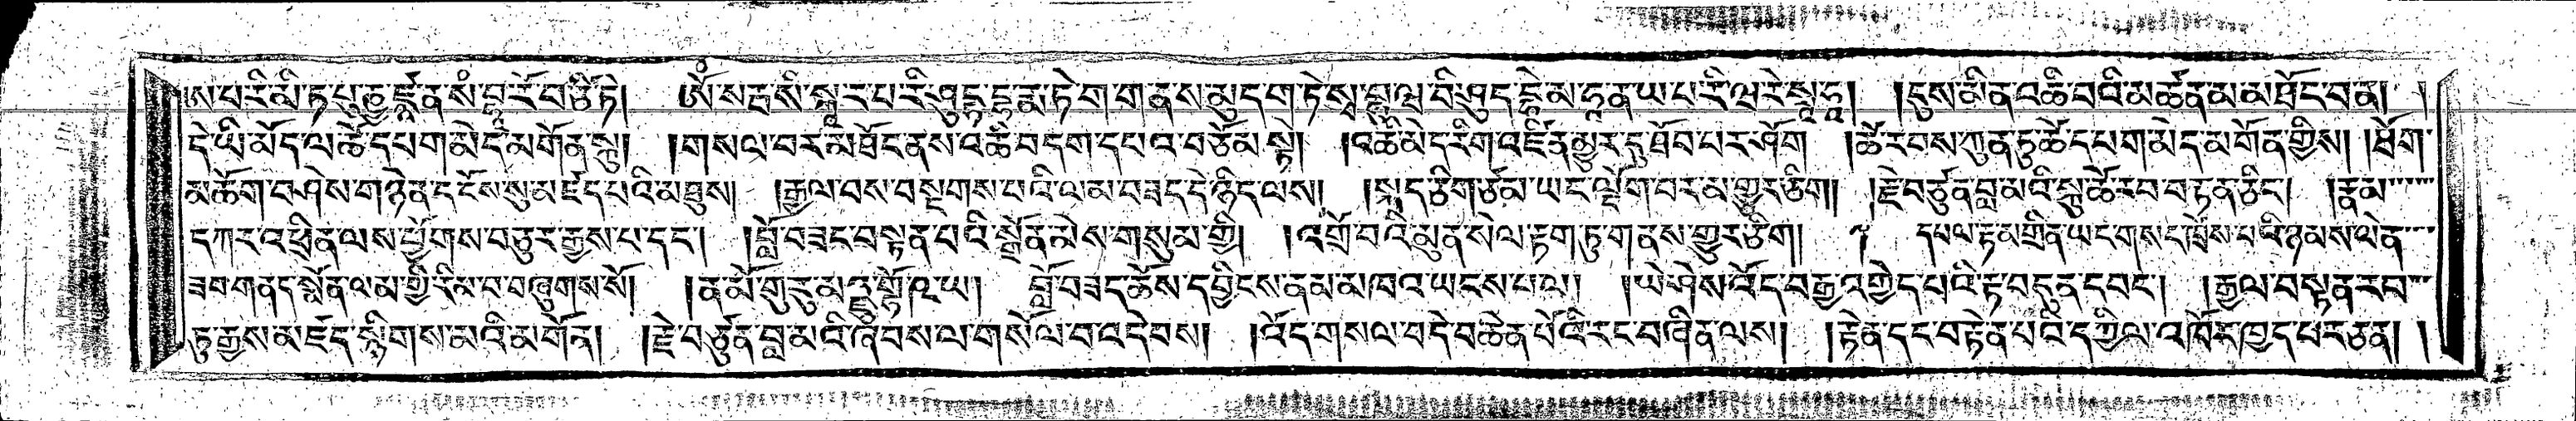ཨ་པ་རི་མི་ཏ་པུ་ཎྱ་ཛྙ་ན་སཾ་བྷཱ་རོ་བ་ཙི་ཏེ། ཨོཾ་སརྦ་སཾ་སྐཱ་ར་པ་རི་ཤུདྷ་དྷརྨ་ཏེ་ག་ག་ན་ས་མུད་ག་ཏེ་སྭ་བྷུ་ཝ་བི་ཤུད་དྷེ་མ་ཧཱ་ན་ཡ་པ་རི་ཝ་རེ་སྭཱ་ཧཱ། །དུས་མིན་འཆི་བའི་མཚན་མ་མཐོང་བ་ན། །
དེ་ཡི་མོད་ལ་ཚེ་དཔག་མེད་མགོན་སྐུ། །གསལ་བར་མཐོང་ནས་འཆི་བདག་དཔའ་བཅོམ་སྟེ། །འཆི་མེད་རིག་འཛིན་མྱུར་དུ་ཐོབ་པར་ཤོག །ཚེ་རབས་ཀུན་ཏུ་ཚེ་དཔག་མེད་མགོན་གྱིས། །ཐོག་
མཆོག་བཤེས་གཉེན་དངོས་སུ་མཛད་པའི་མཐུས། །རྒྱལ་བས་བསྔགས་པའི་ལམ་བཟང་དེ་ཉིད་ལས། །སྐད་ཅིག་ཙམ་ཡང་ལྡོག་པར་མ་གྱུར་ཅིག། །རྗེ་བཙུན་བླ་མའི་སྐུ་ཚེ་རབ་བརྟན་ཅིང་། །རྣམ་
དཀར་འཕྲིན་ལས་ཕྱོགས་བཅུར་རྒྱས་པ་དང་། །བློ་བཟང་བསྟན་པའི་སྒྲོན་མེས་གསུམ་གྱི། །འགྲོ་བའི་མུན་སེལ་རྟག་ཏུ་གནས་གྱུར་ཅིག། ༈ དཔལ་རྟ་མགྲིན་ཡང་གསང་ཁྲོས་པའི་ཉམས་ལེན་
ཟབ་གནད་སྨོན་ལམ་གྱི་རིམ་པ་བཞུགས་སོ། །ན་མོ་གུ་རུ་མཉྫུ་གྷོ་ཥ་ཡ། བློ་བཟང་ཆོས་དབྱིངས་ནམ་མཁའ་ཡངས་པ་ལ། །ཡེ་ཤེས་འོད་བརྒྱ་འགྱེད་པའི་རྟ་བདུན་དབང་། །རྒྱལ་བསྟན་རབ་
ཏུ་རྒྱས་མཛད་སྙིགས་མའི་མགོན། །རྗེ་བཙུན་བླ་མའི་ཞབས་ལ་གསོལ་བ་འདེབས། །འོད་གསལ་བདེ་བ་ཆེན་པོའི་རང་བཞིན་ལས། །རྟེན་དང་བརྟེན་པའི་དཀྱིལ་འཁོར་ཁྱད་པར་ཅན། །